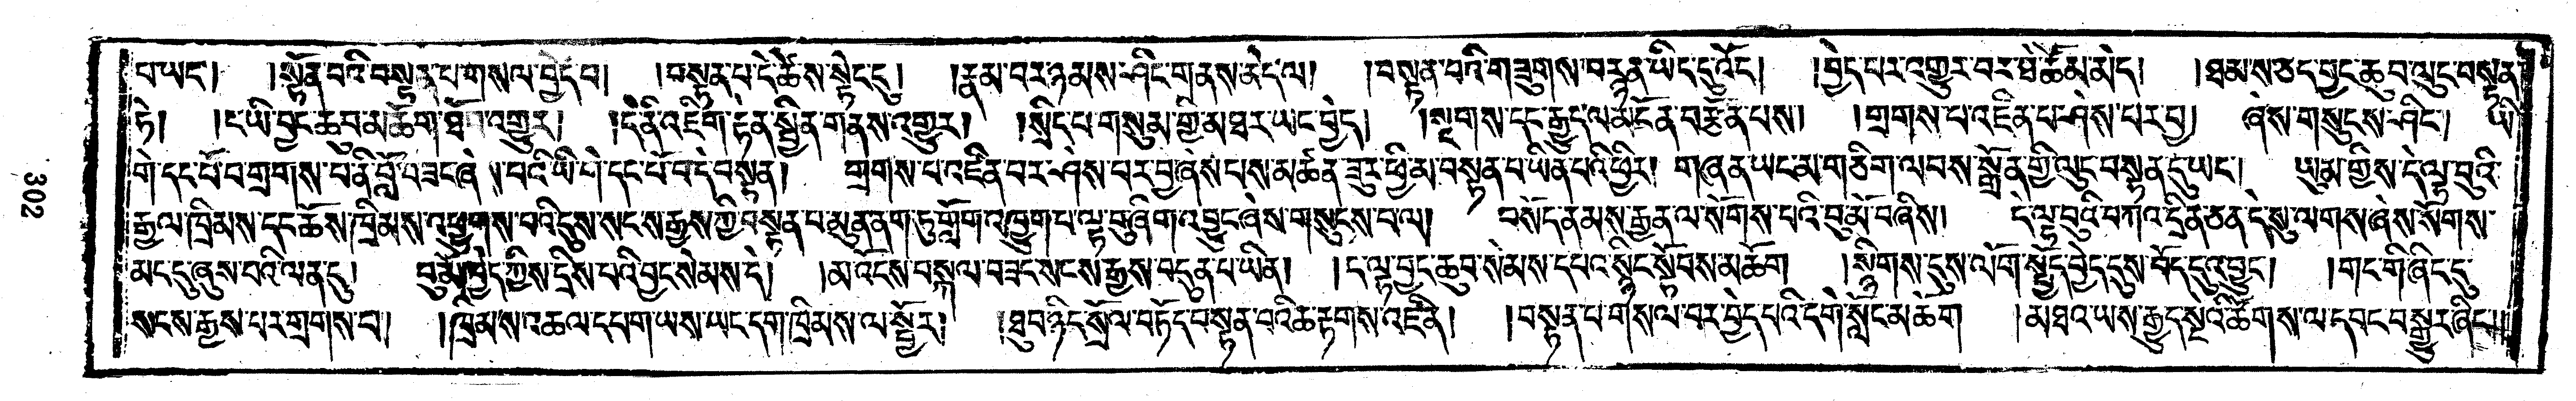པ་ཡང་། །སྟོན་པའི་བསྟན་པ་གསལ་བྱེད་པ། བསྟན་པ་དེ་ཚེས་སྟེང་དུ། །རྣམ་པར་ཉམས་ཤིང་གནས་མེད་ལ། །བསྟན་པའི་གཟུགས་བརྙན་ཡིད་དུའོང་། །བྱེད་པར་འགྱུར་པར་ཐེ་ཚོམ་མེད། །ཐམས་ཅད་བྱང་ཆུབ་ལུང་བསྟན་
ཏེ། །ང་ཡི་བྱང་ཆུབ་མཆོག་ཐོབ་འགྱུར། །དེ་ནི་འཇིག་རྟེན་སྦྱིན་གནས་འགྱུར། །སྲིད་པ་གསུམ་གྱི་མཐར་ཡང་བྱེད། །སྔགས་དང་རྒྱུད་ལ་མངོན་བརྩོན་པས། །གྲགས་པ་འཇིན་པ་ཤེས་པར་བྱ། །ཞེས་གསུངས་ཤིང་། ཡི་
གེ་དང་བོ་བ་གྲགས་པ་ནི་བློ་བཟང་ཞེས་པའི་ཡིག་དང་པོ་བདེ་བསྟན། གྲགས་པ་འཛིན་པར་ཤེས་པར་བྱ་ཞེས་བས་མཚན་ཟུར་ཕྱི་མ་བསྟན་པ་ཡིན་པའི་ཕྱིར། གཞན་ཡང་མ་གཅིག་ལབས་སྒྲོན་གྱི་ལུང་བསྟན་དུ་ཡང་། ཡུམ་གྱིས་དེ་ལྟ་བུའི་
རྒྱལ་ཁྲིམས་དང་ཆོས་ཁྲིམས་འཕྱུགས་པའི་དུས་སངས་རྒྱས་ཀྱི་བསྟན་པ་མུན་ན་ག་ཏུ་གློག་འཁྱུག་པ་ལྟ་བུ་ཞིག་འབྱུང་ཞེས་གསུངས་པ་ལ། བསོད་ནམས་རྒྱན་ལ་སོགས་པའི་བུ་མོ་བཞིས། དེ་ལྟ་བུའི་བཀའ་དྲིན་ཅན་དེ་སུ་ལགས་ཞེས་སོགས་
མང་དུ་ཞུས་པའི་ལན་དུ། བུ་མོ་ཁྱེད་ཀྱིས་དྲིས་པའི་བྱང་སེམས་དེ། མ་འོངས་བསྐལ་བཟང་སངས་རྒྱས་བདུན་པ་ཡིན། ད་ལྟ་བྱང་ཆུབ་སེམས་དཔའ་སྙིང་སྟོབས་མཆོག །སྙིགས་དུས་ལོག་སྤྱོད་བྱེད་དུས་བོད་དུ་འབྱུང་། །གང་གི་ཞིང་དུ་
སངས་རྒྱས་པར་གྲགས་པ། །ཁྲིམ་ས་འཆལ་དཔག་ཡས་ཡང་དག་ཁྲིམས་ལ་སྦྱོར། ཐུབ་ཉིད་སྲོལ་བཏོད་བསྟན་པའི་ཆ་རྟགས་འཛིན། བསྟན་པ་གསལ་བར་བྱེད་པའི་དགེ་སློང་མཆོག །མཐའ་ཡས་རྒྱུད་སྡེའི་ཚོགས་ལ་དབང་བསྒྱུར་ཞིང།།